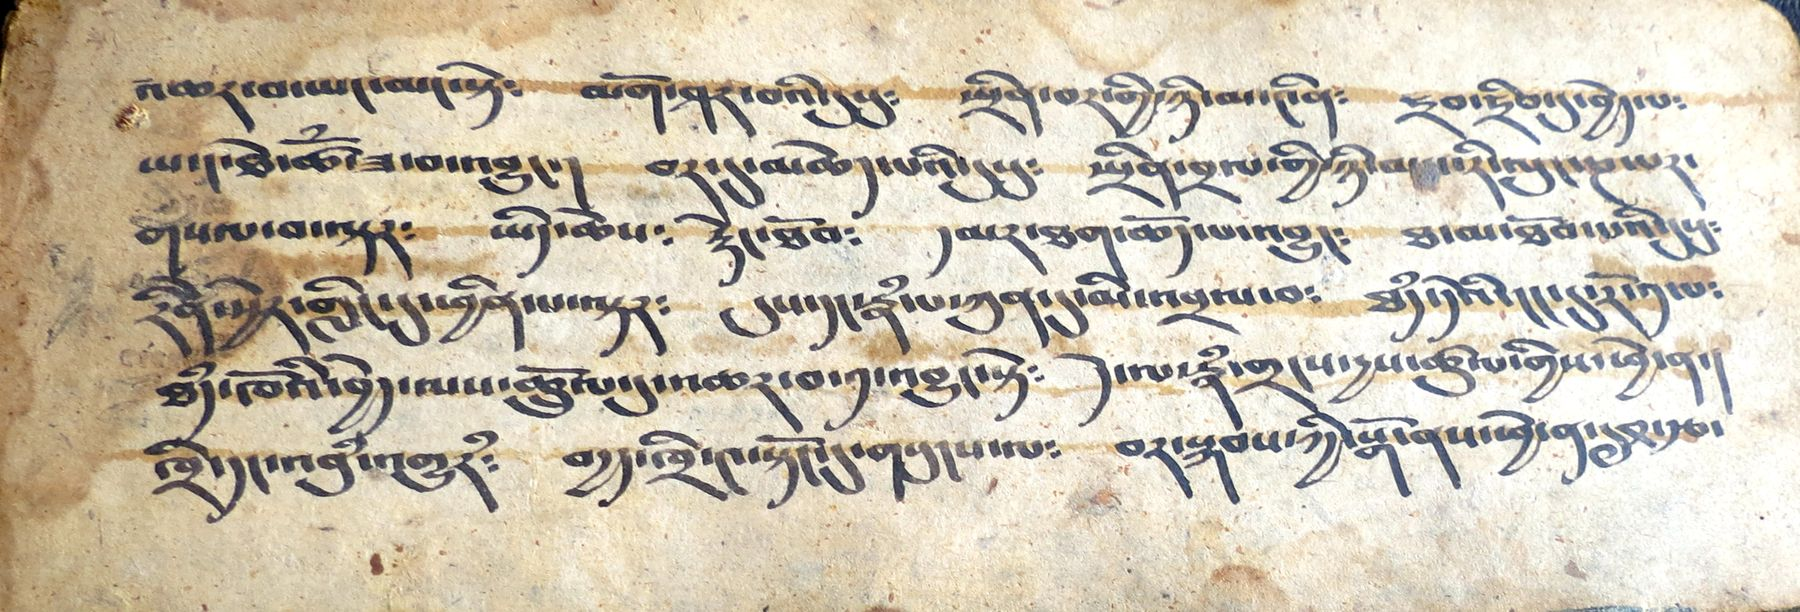འཆར་བ་ཡང་མང་སྟེ། མགོ་ཤར་བའི་དུས་སུ་སྤྲིན་བར་གྱི་ཉི་མ་བཞིན་ཧྲབ་ཧྲིབ་ཏུ་བྱེད་པ། 
ཡ་ང་བ། ཐེ་ཚོམ་ཟ་བ་འབྱུང་། བར་དུ་མཆེད་པའི་དུས་སུ། སྤྲིན་བར་གྱི་ཉི་མས་རི་ལུང་མེད་པར་
གསལ་བ་ལྟར། ཡིད་ཆེས། གདེང་ཐོབ། དམར་ཐག་ཆོད་པ་འབྱུང་། ཐ་མ་ཐོབ་པའི་དུས་སུ། 
རིན་ཆེན་གསེར་གླིང་དུ་ཕྱིན་པ་ལྟར། དུས་དང་རྣམ་པ་ཀུན་ཏུ་མི་འབྲལ་བ། ཐམས་ཅད་དེའི་ངང་དུ་རོ་གཅིག་པ། 
ཐམས་ཅད་ཁོའི་བྱེད་ལས་ཆོ་འཕྲུལ་དུ་སྣང་བ་ཞིག་འབྱུང་སྟེ། དེ་ལ་རྣམ་གྲངས་རྒྱས་ཚུལ་དུ་ཕྱེ་ན། 
ཁྲི་དང་འབུམ་འགྱུར་བརྒྱད་ཁྲི་བཞི་སྟོང་དུ་གསུངས་ལ། བར་སྐབས་ཀྱི་སྒོ་ནས་ཕྱེ་ན་དྲུག་ཅུ་རྩ་